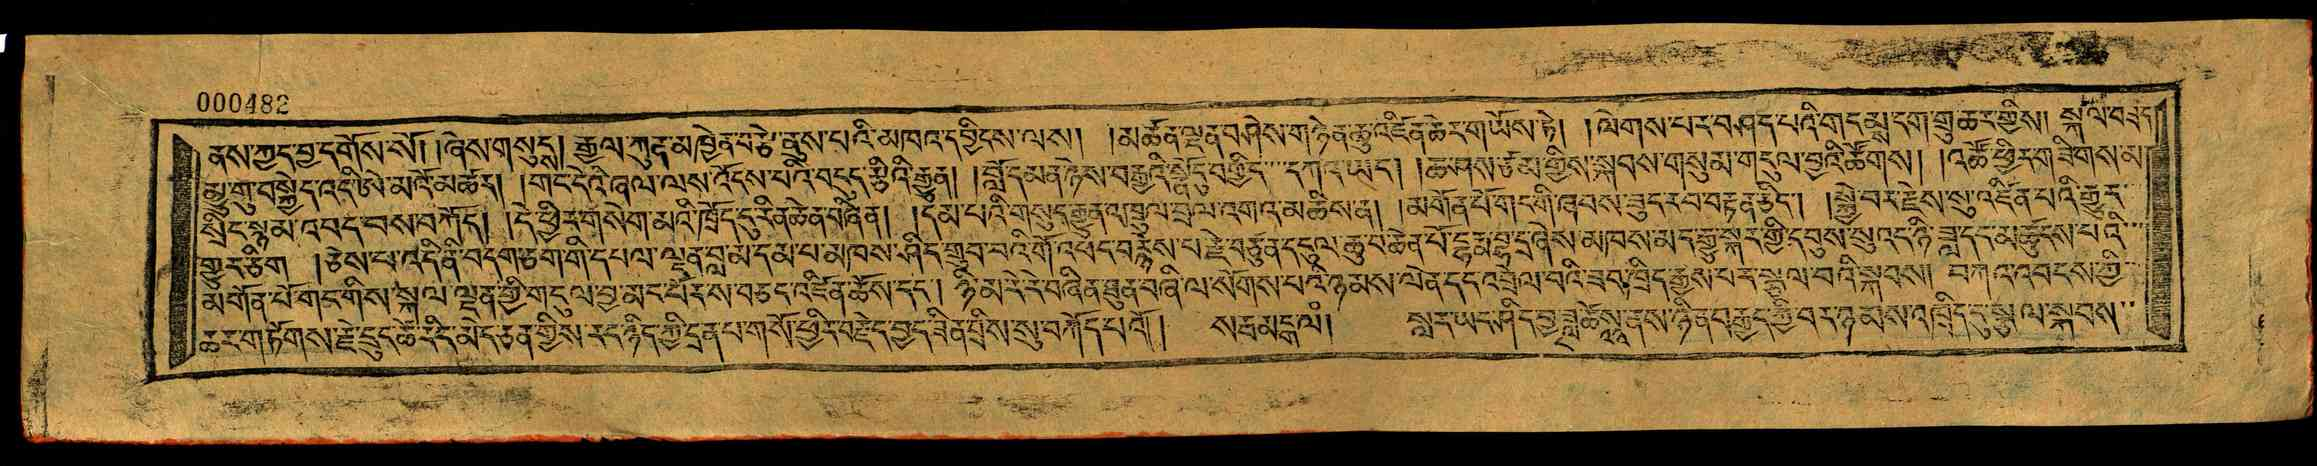ནས་ཀྱང་བྱ་དགོས་སོ། །ཞེས་གསུངས། རྒྱལ་ཀུན་མཁྱེན་བརྩེ་ནུས་པའི་མཁའ་དབྱིངས་ལས། །མཚན་ལྡན་བཤིས་གཉེན་ཆུ་འཛིན་ཆེར་གཡོས་ཏེ། །ལེགས་པར་བཤད་པའི་གདམས་ངག་གྲུ་ཆར་གྱིས། སྐལ་བཟང་
མྱུ་གུ་བསྐྱེད་འདི་ཨེ་མའོ་མཚར། །གང་དེའི་ཞལ་ལས་འོངས་པའི་བདུད་རྩིའི་རྒྱུན། །བློ་དམན་ཉེས་བརྒྱའི་སྣོད་དུ་བགྱིད་དཀའ་ཡང་། །ཆ་ཤས་ཙམ་གྱིས་སྐབས་གསུམ་གདུལ་བྱའི་ཚོགས། །འཚོ་ཕྱིར་གཟེགས་མ་
སྲིད་སྙམ་འབད་པས་བཀོད། །དེ་ཕྱིར་གསེག་མའི་ཁྲོད་དུ་རིན་ཆེན་བཞིན། །དམ་པའི་གསུང་རྒྱུན་འཁྲུལ་བྲལ་འགའ་མཆིས་ན། །མགོན་པོ་གང་གི་ཞབས་ཟུང་རབ་བརྟན་ཅིང་། །སྐྱེ་བར་རྗེས་སུ་འཛིན་པའི་རྒྱུར་
གྱུར་ཅིག །ཅེས་པ་འདི་ནི་བདག་ཅག་གི་དཔལ་ལྡན་བླ་མ་དམ་པ་མཁས་ཤིང་གྲུབ་པའི་གོ་འཕང་བརྙེས་པ་རྗེ་བཙུན་དངུལ་ཆུ་བ་ཆེན་པོ་དྷརྨ་བྷ་དྲ་ཞེས་མཁས་མང་རྒྱུ་སྐར་གྱི་དབུས་སུའང་ཉི་ཟླ་དང་མཚུངས་པའི་
མགོན་པོ་གང་གིས་སྐལ་ལྡན་གྱི་གདུལ་བྱ་མང་པོར་ས་བཅད་འཛིན་ཆོས་དང་། ཉི་མ་རེ་རེ་བཞིན་ཐུན་བཞི་ལ་སོགས་པའི་ཉམས་ལེན་དང་འབྲེལ་བའི་ཟབ་ཁྲིད་རྒྱས་པར་སྩལ་བའི་སྐབས། བཀའ་འབངས་ཀྱི་
ཆར་གཏོགས་རྗེ་དྲུང་ཚེ་རིང་མིང་ཅན་གྱིས་རང་ཉིད་ཀྱི་དྲན་པ་གསོ་ཕྱིར་བརྗེད་བྱང་ཟིན་བྲིས་སུ་བཀོད་པའོ།། སརྦ་མངྒ་ལཾ། སླར་ཡང་ཤིང་བྱ་ཟླ ༨་ཚེས ༢༣་ནས་ཉིན་བརྒྱད་ཀྱི་བར་ཉམས་འཁྲིད་དུ་སྩལ་སྐབས་